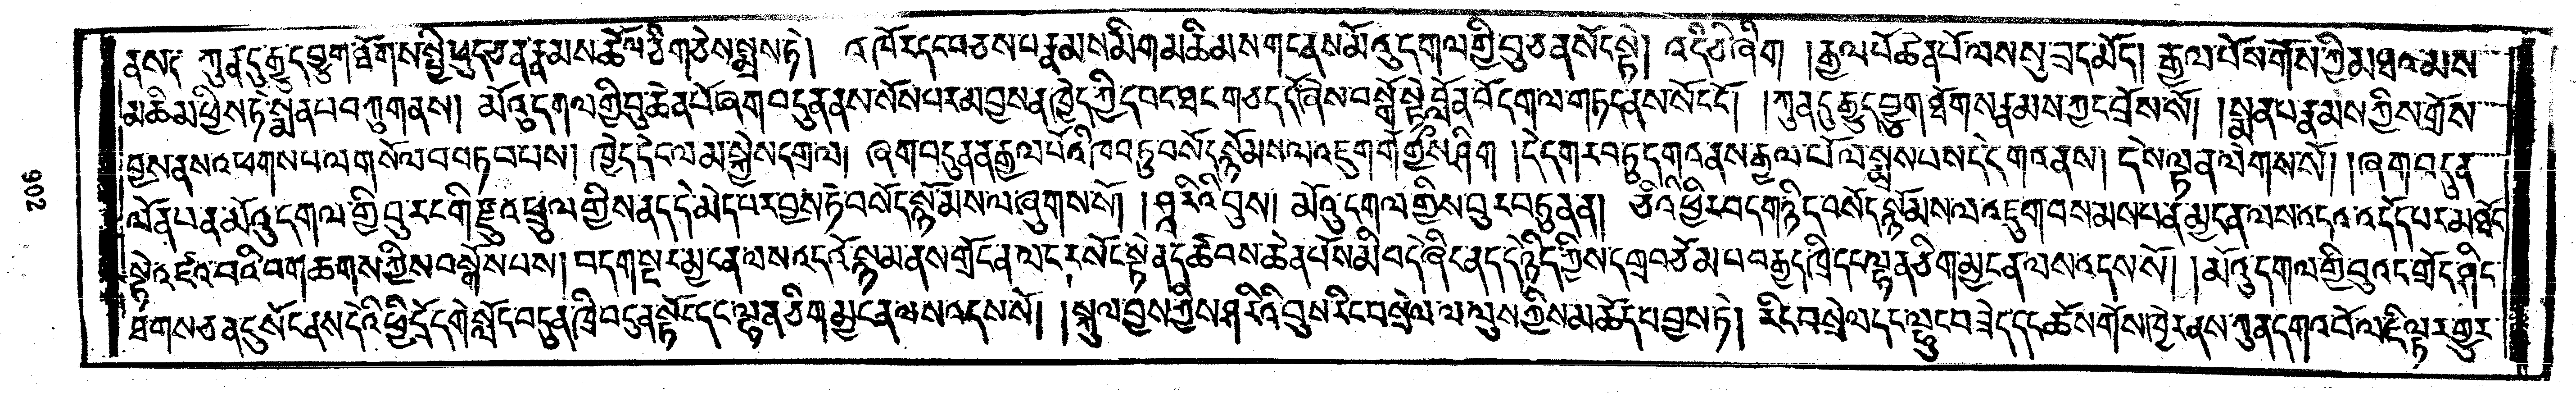ནས༑ ཀུན་དུ་རྒྱུ་དབྱུག་ཐོགས་སྤྱི་ཕུད་ཅན་རྣམས་ཆོལ་ཅིག་ཅེས་སྨྲས་ཏེ། འཁོར་དང་བཅས་པ་རྣམས་མིག་མཆི་མས་གང་ནས་མོའུ་དག་ལ་གྱི་བུ་ཅན་སོང་སྟེ། འདི་ཅི་ཞིག །རྒྱལ་པོ་ཆེན་པོ་ལས་སུ་ཟད་མོད། རྒྱལ་པོས་གོས་ཀྱི་མཐའ་མས་
མཆིམ་ཕྱིས་ཏེ་སྨན་པ་བཀུག་ནས། མོའུ་དགལ་གྱི་བུ་ཆེན་པོ་ཞག་བདུན་ནས་སོས་པར་མ་བྱས་ན་ཁྱེད་ཀྱི་དབང་ཐང་གཅད་དོ་ཞེས་བསྒོ་སྟེ་བློན་བོ་དག་ལ་གཏད་ནས་སོང་ངོ། །ཀུན་དུ་རྒྱུད་བྱུག་ཐོགས་རྣམས་ཀྱང་བྲོས་སོ། །སྨན་པ་རྣམས་ཀྱིས་གྲོས་
བྱས་ནས་འཕགས་པ་ལ་གསོལ་བ་བཏབ་པས། ཁྱེད་དེང་ལམ་སྐྱེས་དགྲ་ལ། ཞག་བདུན་ན་རྒྱལ་པོའི་ཁབ་ཏུ་བསོད་སྙོམས་ལ་འཇུག་གོ་གྱྀས་ཤིག །དེ་དག་རབ་ཏུ་དགའ་ནས་རྒྱལ་པོ་ལ་སྨྲས་པས་དེ་དགའ་ནས། དེས་ལྟ་ན་ལེགས་སོ། །ཞག་བདུན་
ལོན་པ་ན་མོའུ་དག་ལ་གྱི་བུ་རང་གི་རྫུ་འཕྲུལ་གྱིས་ནད་དེ་མེད་པར་བྱས་ཏེ་བསོད་སྙོམས་ལ་ཞུགས་སོ། །ཤཱ་རིའི་བུས། མོའུ་དགལ་གྱིས་བུ་རབ་ཏུ་ནན། ཅིའི་ཕྱིར་བདག་ཉིད་བསོད་སྙོམས་ལ་འཇུག་བས་མས་པ་ན་མྱ་ངན་ལས་འདའ་འདོད་པར་མཐོང་
སྟེ་འཛའ་བའི་བག་ཆགས་ཀྱིས་བསྒོས་པས། བདག་སྔར་མྱ་ངན་ལས་འདའོ་སྙམ་ནས་གྲོང་ན་ལ་ངར་སོང་སྟེ་ནད་ཚབས་ཆེན་པོས་མི་བདེ་ཞིང་ནད་དེ་ཉིད་ཀྱིས་དགྲ་བཅོམ་པ་བརྒྱད་ཁྲི་དང་ལྷན་ཅིག་མྱ་ངན་ལས་འདས་སོ། །མོའུ་དགལ་གྱི་བུའང་གྲོང་ཤིང་
ཐགས་ཅན་དུ་སོང་ནས་དེའི་ཕྱི་དྲོ་དགེ་སློང་བདུན་ཁྲི་བདུན་སྟོང་དང་ལྷན་ཅིག་མྱ་ངན་ལས་འདས་སོ། །སྐུལ་བྱས་ཀྱིས་ཤ་རིའི་བུས་རིང་བསྲེལ་ལ་ལུས་ཀྱིས་མཆོད་པ་བྱས་ཏེ། རིང་བསྲེལ་དང་ལྷུང་བཟེད་དང་ཆོས་གོས་ཁྱེར་ནས་ཀུན་དགའ་བོ་ལ་ཇི་ལྟར་གྱུར་